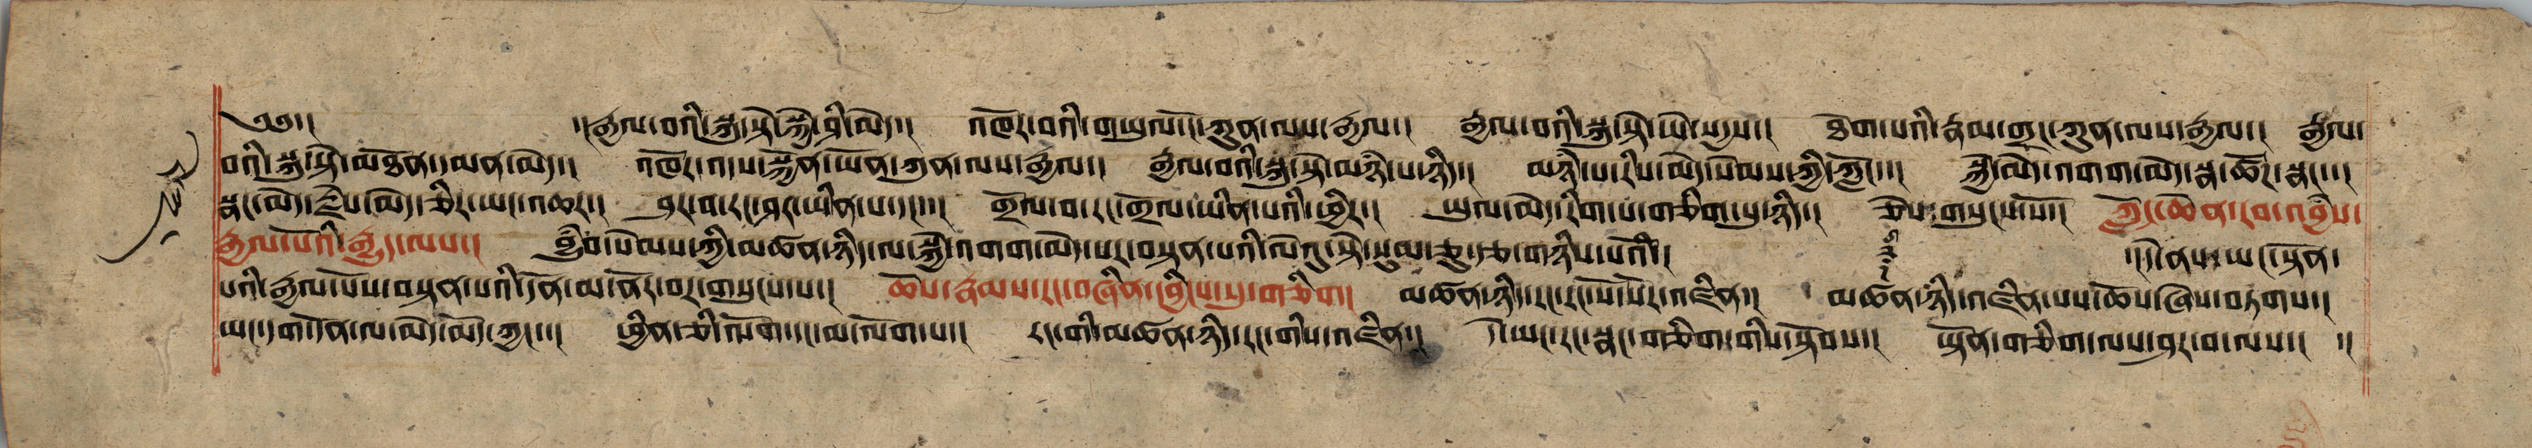༄༅་། ་།རྒྱལ་བའི་སྐུ་སྟེ་སྐྱེ་ཤི་མེད་། འཁོར་བའི་གཡུལ་ངོ་ཀུན་ལས་རྒྱལ་། རྒྱལ་བའི་སྐུ་སྟེ་ཡེ་སདྱས་། ཐེག་པའི་རྣམ་གྲང་ཀུན་ལས་རྒྱལ་། རྒྱལ་
བའི་སྐུ་སྟེ་མཐོན་དམན་མེད་། འཁོར་འདས་སྐྱོན་ཡོན་ཀུན་ལས་རྒྱལ་། རྒྱལ་བའི་སྐུ་སྟེ་མཉཾ་པ་ཉིད་། མཉཾ་པ་རིས་མེད་སེམས་ཀྱི་ཀློང་་། སྐྱེ་མེད་འགག་མེད་སྣ་ཚོཌ་སྣང་་།
སྣང་མེད་རྗེས་མེད་ཅིར་ཡང་འཆར་། ཤར་བ་རང་ཤར་ཡིན་པ་དང་་། གྲོལ་བ་རང་གྲོལ་་ཡིན་པའི་ཕྱིར་། ཡུལ་མེད་རིག་པ་གཅིག་པུ་ཉིད་། ཅེས་གསུངས་སོ་། ཀློང་ཆེན་རབ་འབྱཾས་
རྒྱལ་པོའི་རྒྱུད་ལས་། བྱུཾབ་སེམས་ཀྱི་མཚན་ཉིད་ལ་སྐྱེ་འགག་མེད་པར་བསྟན་པའི་ལེའུ་སྟེ་སུམ་ཅུ་རྩ་གཉིས་པའོ་། ༈ ་།དེ་ནས་ཡང་སྟོན་
པའིརྒྱལ་པོས་བསྟན་པའི་དོན་མ་ནོར་བར་གསུངས་པ་། ཆོས་རྣམས་རང་བཞིན་དབྱིངས་སུ་གཅིག། མཚན་ཉིད་རང་རང་སོ་སོར་འཛིན་། མཚན་ཉིད་འཛིན་པས་ཆོས་ཞེས་བཏགས་།
ཡང་དག་དོན་ལ་མེད་མོད་ཀྱང་་། ཕྱིན་ཅི་ལོག་དང་མ་ལོག་པ་། རང་གི་མཚན་ཉིད་རང་གིས་འཛིན་། དེ་ཡང་རང་སྣང་གཅིག་གིས་སྟོབས་། ཡྟོན་གཅིག་ལས་ཤར་བ་ལས་།